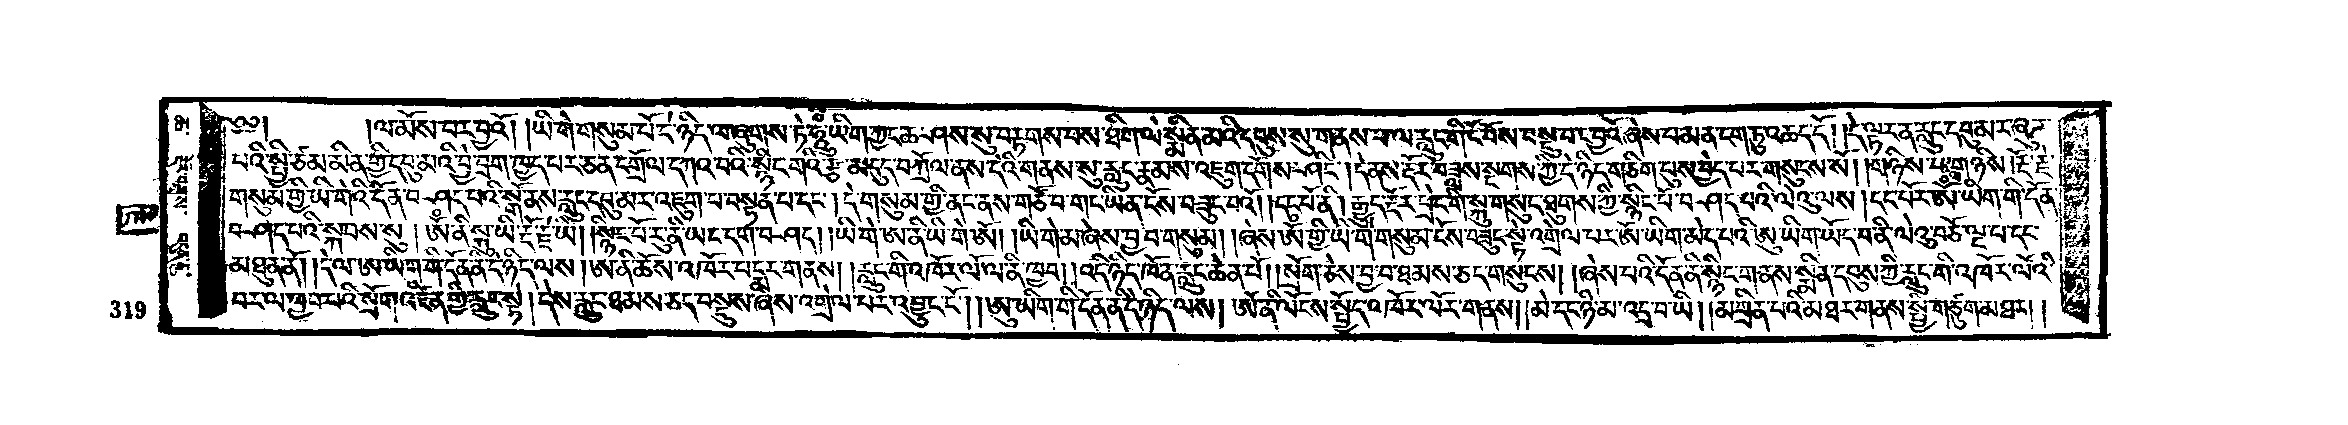༄༅། །ལ་མོས་པར་བྱའོ། །ཡི་གེ་གསུམ་པོ་དེ་ཉིད་ལ་ཞུགས་ཏེ་ཧཱུཾ་ཡིག་ཀྱང་ཆ་ཤས་སུ་བརྟགས་པས་ཐིག་ལེ་སྨིན་མའི་དབུས་སུ་གནས་པ་ལ་རླུང་གི་ངོ་བོས་བསྡུ་བར་བྱའོ་ཞེས་པ་མན་ངག་ཏུ་འཆད་དོ། །དེ་ལྟར་ན་རླུང་དབུ་མར་ཞུགས་
པའི་སྤྱི་ཙམ་མིན་གྱི་དབུ་མའི་བྱེ་བྲག་ཁྱད་པར་ཅན་དགྲོལ་དཀའ་བའི་སྙིང་གའི་རྩ་མདུད་བཀྲོལ་ནས་དེའི་གནས་སུ་རླུང་རྣམས་འཇུག་དགོས་ཤིང་། དེ་ནས་རྡོར་བཟླས་སྔགས་ཀྱི་དེ་ཉིད་གཅིག་པུས་བྱེད་པར་གསུངས་སོ། །གཉིས་པ་ལ་གཉིས། རྡོ་རྗེ་
གསུམ་གྱི་ཡི་གེའི་དོན་བཤད་པའི་སྒོ་ནས་རླུང་དབུ་མར་འཇུག་པ་བསྟན་པ་དང་། དེ་གསུམ་གྱི་ནང་ནས་གཙོ་བོ་གང་ཡིན་ངོས་བཟུང་བའོ། །དང་པོ་ནི། རྒྱུད་རྡོར་ཕྲེང་གི་སྐུ་གསུང་ཐུགས་ཀྱི་སྙིང་པོ་བཤད་པའི་ལེའུ་ལས། དང་པོར་ཨོཾ་ཡིག་གི་དོན་
བཤད་པའི་སྐབས་སུ། ཨོཾ་ནི་སྐུ་ཡི་རྡོ་རྗེ་ཡི། །སྙིང་པོ་རུ་ནི་ཡང་དག་བཤད། །ཡི་གེ་ཨ་ནི་ཡི་གེ་ཨོ། །ཡི་གེ་མ་ཞེས་བྱ་བ་གསུམ། །ཞེས་ཨོཾ་གྱི་ཡི་གེ་གསུམ་ངོས་བཟུང་སྟེ་འགྲེལ་པར་ཨོ་ཡིག་མེད་པའི་ཨུ་ཡིག་ཡོད་པ་ནི་ལེའུ་བཅོ་ལྔ་པ་དང་
མཐུན་ནོ། །དེ་ལ་ཨ་ཡིག་གི་དོན་ནི་དེ་ཉིད་ལས། ཨ་ནི་ཆོས་འཁོར་པདམར་གནས། །རླུང་གི་འཁོར་ལོ་ལ་ནི་ཁྱབ། །འདི་ཉིད་ཁོ་ན་རླུང་ཆེན་པོ། །སྲོག་ཅེས་བྱ་བ་ཐམས་ཅད་གསུངས། །ཞེས་པའི་དོན་ནི་སྙིང་གནས་སྨིན་དབུས་ཀྱི་རླུང་གི་འཁོར་ལོའི་
བར་ལ་ཁྱབ་པའི་སྲོག་འཛིན་གྱི་རླུང་སྟེ། དེས་རླུང་ཐམས་ཅད་བསྡུས་ཞེས་འགྲེལ་པར་འབྱུང་ངོ། །ཨུ་ཡིག་གི་དོན་ནི་དེ་ཉིད་ལས། ཨོ་ནི་ལོངས་སྤྱོད་འཁོར་ལོར་གནས། །མེ་དང་ཉི་མ་འདྲ་བ་ཡི། །མགྲིན་པའི་མཐར་གནས་སྤྱི་གཙུག་མཐར། །